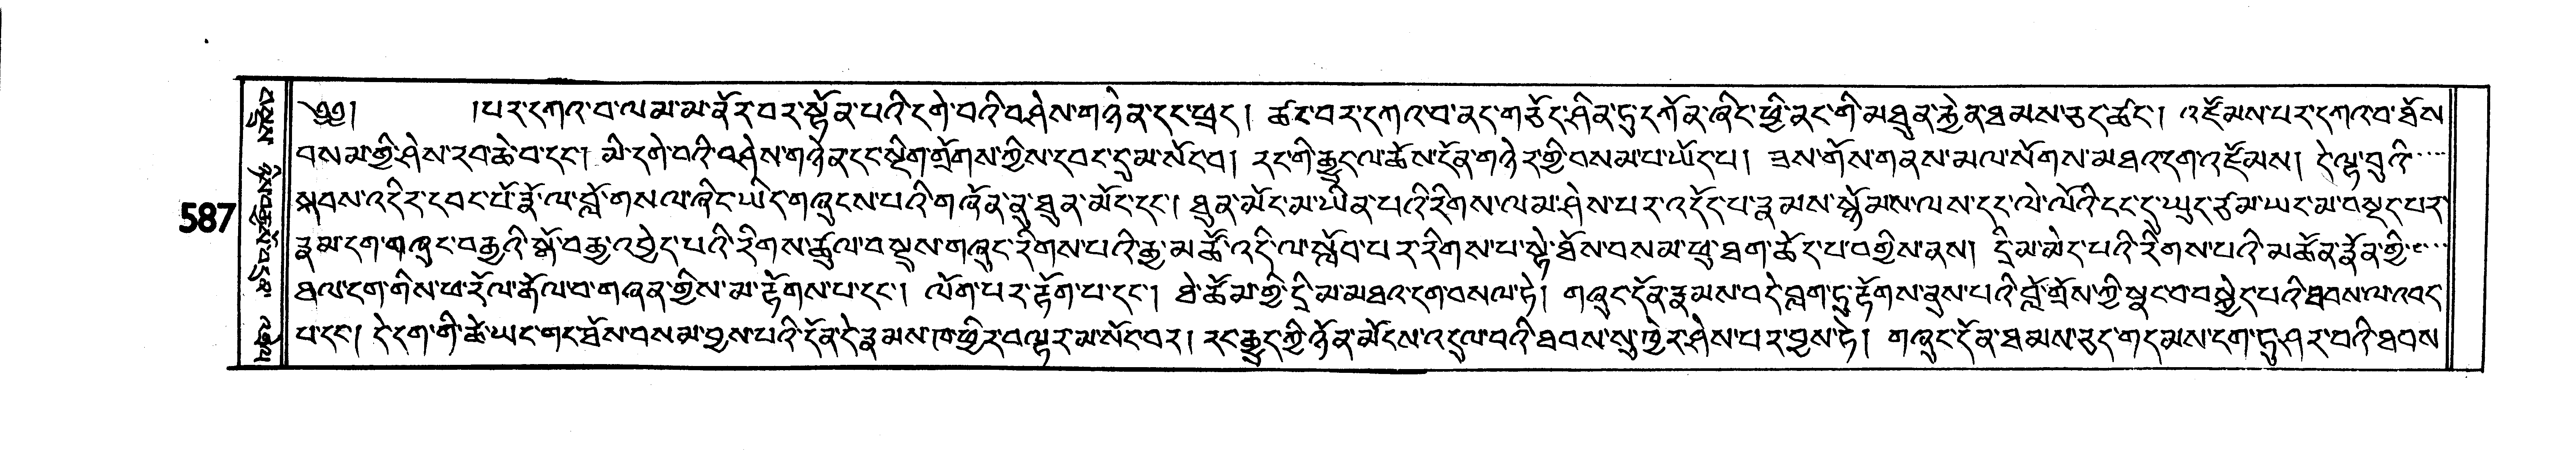༄༅། །པར་དཀའ་བ་ལམ་མ་ནོར་བར་སྟོན་པའི་དགེ་བའི་བཤེས་གཉེན་དང་ཕྲད། ཚང་བར་དཀའ་བ་ནད་གཅོད་ཤིན་ཏུ་དཀོན་ཞིང་ཕྱི་ནང་གི་མཐུན་རྐྱེན་ཐམས་ཅད་ཚང་། འཛོམས་པར་དཀའ་བ་ཐོས་
བསམ་གྱི་ཤེས་རབ་ཆེ་བ་དང་། མི་དགེ་བའི་བཤེས་གཉེན་དང་སྡིག་གྲོགས་ཀྱིས་དབང་དུ་མ་སོང་བ། རང་གི་རྒྱུད་ལ་ཆོས་དོན་གཉེར་གྱི་བསམ་པ་ཡོད་པ། ཟས་གོས་གནས་མལ་སོགས་མཐའ་དག་འཛོམས། །དེ་ལྟ་བུའི་
སྐབས་འདིར་དབང་པོ་རྣོ་ལ་བློ་གསལ་ཞིང་ཡིད་གཞུངས་པའི་གཞོན་ནུ་ཐུན་མོང་དང་། ཐུན་མོང་མ་ཡིན་པའི་རིགས་ལམ་ཤེས་པར་འདོད་པ་རྣམས་སྙོམས་ལས་དང་ལེ་ལོའི་དང་དུ་ཡུང་ཙམ་ཡང་མ་བསྡད་པར་
རྣམ་དག་གཞུང་བརྒྱའི་སྒོ་བརྒྱ་འབྱེད་པའི་རིགས་ཚུལ་བསྡུས་གཞུང་རིགས་པའི་རྒྱ་མཚོ་འདི་ལ་སློབ་པར་རིགས་པ་སྟེ་ཐོས་བསམ་ཕུ་ཐག་ཆོད་པ་བགྱིས་ནས། དྲི་མ་མེད་པའི་རིགས་པའི་མཚོན་རྣོན་གྱི་
ཐལ་ངག་གིས་ཕ་རོལ་རྒོལ་བ་གཞན་གྱིས་མ་རྟོགས་པ་དང་། ལོག་པར་རྟོག་པ་དང་། ཐེ་ཚོམ་གྱི་དྲི་མ་མཐའ་དག་བསལ་ཏེ། གཞུང་དོན་རྣམས་བདེ་བླག་ཏུ་རྟོགས་ནུས་པའི་བློ་གྲོས་ཀྱི་སྣང་བ་བསྐྱེད་པའི་ཐབས་ལ་འབད་
པ་དང་། དེ་དག་གི་ཚེ་ཡང་གང་ཐོས་བསམ་བྱས་པའི་དོན་དེ་རྣམས་ཁ་ཕྱིར་བལྟར་མ་སོང་བར། རང་རྒྱུད་ཀྱི་ཉོན་མོངས་འདུལ་བའི་ཐབས་སུ་ཁྱེར་ཤེས་པར་བྱས་ཏེ། གཞུང་དོན་ཐམས་ཅད་གདམས་ངག་ཏུ་ཤར་བའི་ཐབས་